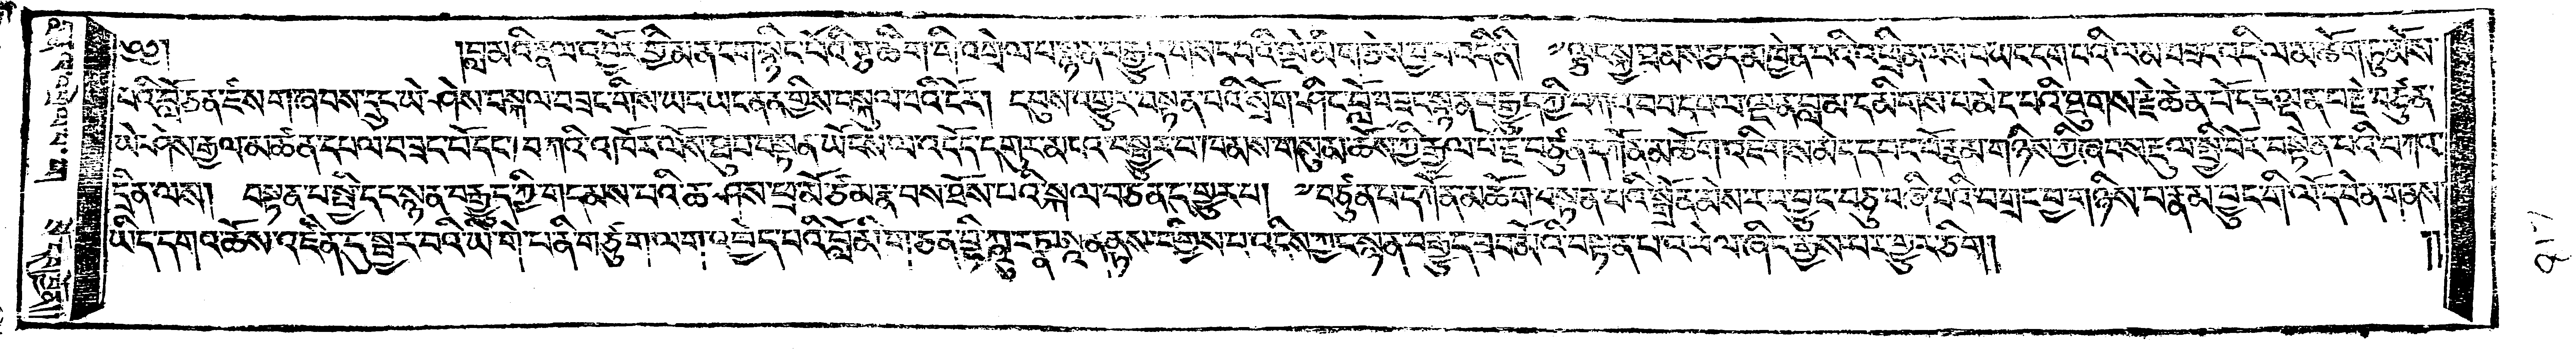༄༅། །བླ་མའི་རྣལ་འབྱོར་གྱི་མན་ངག་སྙིང་པོའི་རྩ་ཚིག་གི་འབྲེལ་པ་སྙན་བརྒྱུད་གསང་བའི་ལྡེ་མིག་ཅེས་བྱ་བ་འདི་ནི། ༧ལྕང་སྐྱ་ཐམས་ཅད་མཁྱེན་པའི་འཕྲིན་ལས་བ་ཡང་དག་པའི་ལམ་བཟང་འདི་ལ་མཆོག་ཏུ་མོས་
པའི་བློ་ཅན་ཛས་ག་ཞབས་དྲུང་ཡེ་ཤེས་བསྐལ་བཟང་གིས་ཡང་ཡང་ནན་གྱིས་བསྐུལ་བའི་ངོར། དབུས་འགྱུར་བསྟན་པའི་སྲོག་ཤིང་བློ་བཟང་སྙན་བརྒྱུད་ཀྱི་བཀའ་བབ་དཔལ་ལྡན་བླ་མ་དམིགས་པ་མེད་པའི་ཐུགས་རྗེ་ཆེན་པོ་དང་ལྡན་པ་རྗེ་བཙུན་
ཡེ་ཤེས་རྒྱལ་མཚན་དཔལ་བཟང་པོ་དང་ཁ་ཀའི་འཁོར་ལོས་ཐུབ་བསྟན་ཡོངས་ལ་འདོད་དགུང་མངའ་བསྒྱུར་བ་ཁམས་གསུམ་ཆོས་ཀྱི་རྒྱལ་པོ་རྗེ་བཙུན་དཀོན་མཆོག་འཇིགས་མེད་དབང་པོ་རྣམ་གཉིས་ཀྱི་ཞབས་རྡུལ་སྤྱི་བོར་བསྟེན་པའི་བཀའ་
དྲིན་ལས། བསྟན་པ་སྤྱི་དང་སྙན་བརྒྱུད་ཀྱི་གདམས་པའི་ཆ་ཤས་ཕྲ་མོ་ཙམ་རྣ་བས་ཐོས་པའི་སྐལ་བཅན་དུ་གྱུར་པ། ༧བཙུན་པ་དཀོན་མཆོག་བསྟན་པའི་སྒྲོན་མེས་རབ་བྱུང་བཅུ་བཞི་པའི་བགྲང་བྱ་གཉིས་པ་རྣམ་བྱུང་གི་ལོ་དབེན་གནས་
ཡིད་དགའ་ཆོས་འཛིན་དུ་སྦྱར་བའི་ཡི་གེ་པ་ནི་གཙུག་ལག་འབྱེད་པའི་བློ་མིག་ཅན་དྷིཀྵུ?་རཏྣ་ཨཱ་ནནྟས་བགྱིས་པ་འདིས་ཀྱང་སྙན་བརྒྱུད་ཟབ་མོའི་བསྟན་པ་འཕེལ་ཞིང་རྒྱས་པར་གྱུར་ཅིག ། །།